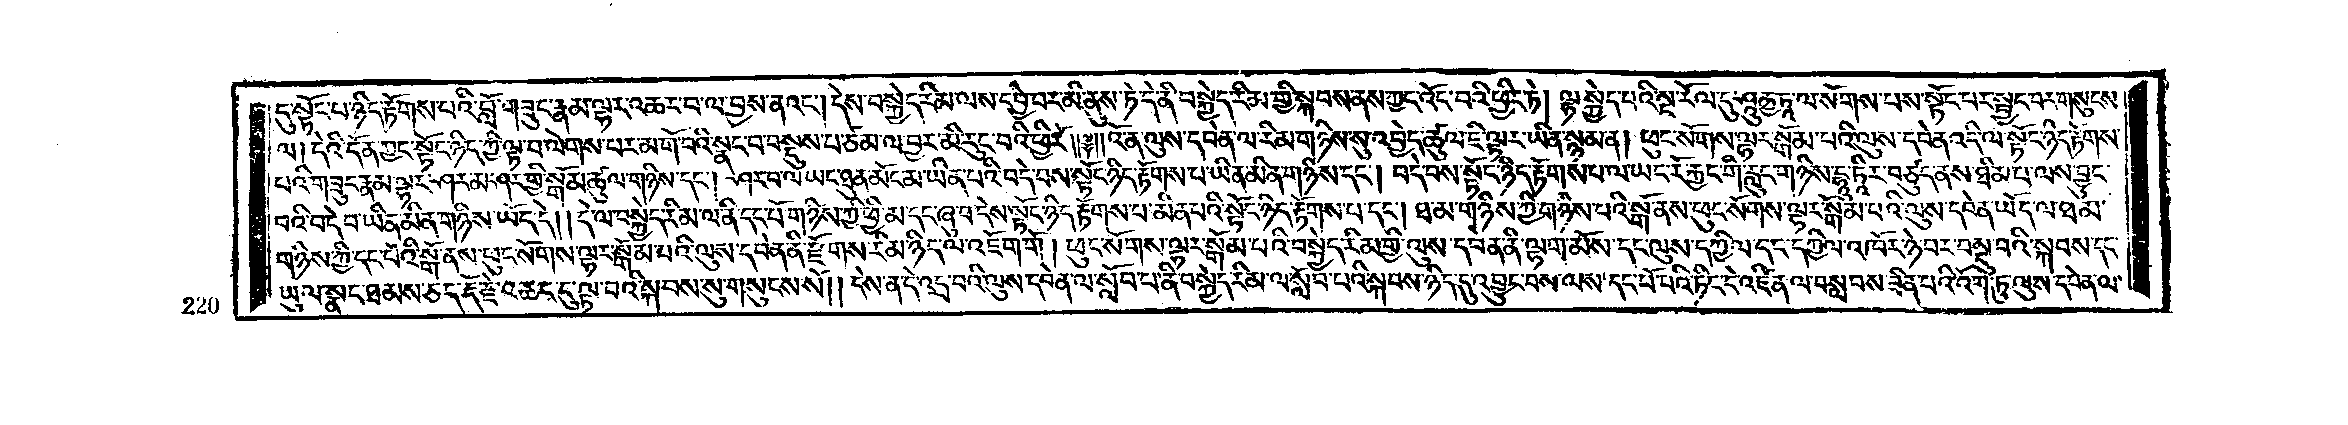དུ་སྟོང་པ་ཉིད་རྟོགས་པའི་བློ་གཟུང་རྣམ་ལྷར་འཆར་བ་ལ་བྱས་ནའང་། དེས་བསྐྱེད་རིམ་ལས་དབྱེ་བར་མི་ནུས་ཏེ་དེ་ནི་བསྐྱེད་རིམ་གྱི་སྐབས་ནས་ཀྱང་འོང་བའི་ཕྱིར་ཏེ། ལྷ་སྐྱེད་པའི་སྔ་རོལ་དུ་ཤཱུནྱ་ཏཱ་ལ་སོགས་པས་སྟོང་པར་སྦྱང་བར་གསུངས་
ལ༑ དེའི་དོན་ཀྱང་སྟོང་ཉིད་ཀྱི་ལྟ་བ་ལེགས་པར་མ་གོ་བའི་སྣང་བ་བསྡུས་པ་ཙམ་ལ་བྱར་མི་རུང་བའི་ཕྱིར་རོ།། ༈ །།འོ་ན་ལུས་དབེན་ལ་རིམ་གཉིས་སུ་འབྱེད་ཚུལ་ཇི་ལྟར་ཡིན་སྙམ་ན། ཕུང་སོགས་ལྷར་སྒོམ་པའི་ལུས་དབེན་འདི་ལ་སྟོང་ཉིད་རྟོགས་
པའི་གཟུང་རྣམ་ལྷར་ཤར་མ་ཤར་གྱི་སྒོམ་ཚུལ་གཉིས་དང་། ཤར་བ་ལ་ཡང་ཐུན་མོང་མ་ཡིན་པའི་བདེ་བས་སྟོང་ཉིད་རྟོགས་པ་ཡིན་མིན་གཉིས་དང་། བདེ་བས་སྟོང་ཉིད་རྟོགས་པ་ལ་ཡང་རོ་རྐྱང་གི་རླུང་གཉིས་དྷཱ་ཏཱིར་བཙུད་ནས་ཐིམ་པ་ལས་བྱུང་
བའི་བདེ་བ་ཡིན་མིན་གཉིས་ཡོད་དེ། །དེ་ལ་བསྐྱེད་རིམ་ལ་ནི་དང་པོ་གཉིས་ཀྱི་ཕྱི་མ་དང་ཞུ་བ་དེས་སྟོང་ཉིད་རྟོགས་པ་མིན་པའི་སྟོང་ཉིད་རྟོགས་པ་དང་། ཐ་མ་གཉིས་ཀྱི་གཉིས་པའི་སྒོ་ནས་ཕུང་སོགས་ལྷར་སྒོམ་པའི་ལུས་དབེན་ཡོད་ལ་ཐ་མ་
གཉིས་ཀྱི་དང་པོའི་སྒོ་ནས་ཕུང་སོགས་ལྷར་སྒོམ་པའི་ལུས་དབེན་ནི་རྫོགས་རིམ་ཉིད་ལ་འཇོག་གོ །ཕུང་སོགས་ལྷར་སྒོམ་པའི་བསྐྱེད་རིམ་གྱི་ལུས་དབེན་ནི་ལྷག་མོས་དང་ལུས་དཀྱིལ་དང་དཀྱིལ་འཁོར་ཉེ་བར་བསྡུ་བའི་སྐབས་དང་
ཡུལ་སྣང་ཐམས་ཅད་རྡོ་རྗེ་འཆང་དུ་ལྟ་བའི་སྐབས་སུ་གསུངས་སོ། །དེས་ན་དེ་འདྲ་བའི་ལུས་དབེན་ལ་སློབ་པ་ནི་བསྐྱེད་རིམ་ལ་སློབ་པའི་སྐབས་ཉིད་དུ་འབྱུང་བས་ལས་དང་པོ་པའི་ཏིང་ངེ་འཛིན་ལ་བསླབས་ཟིན་པའི་འོད་ཏུ་ལུས་དབེན་ལ་